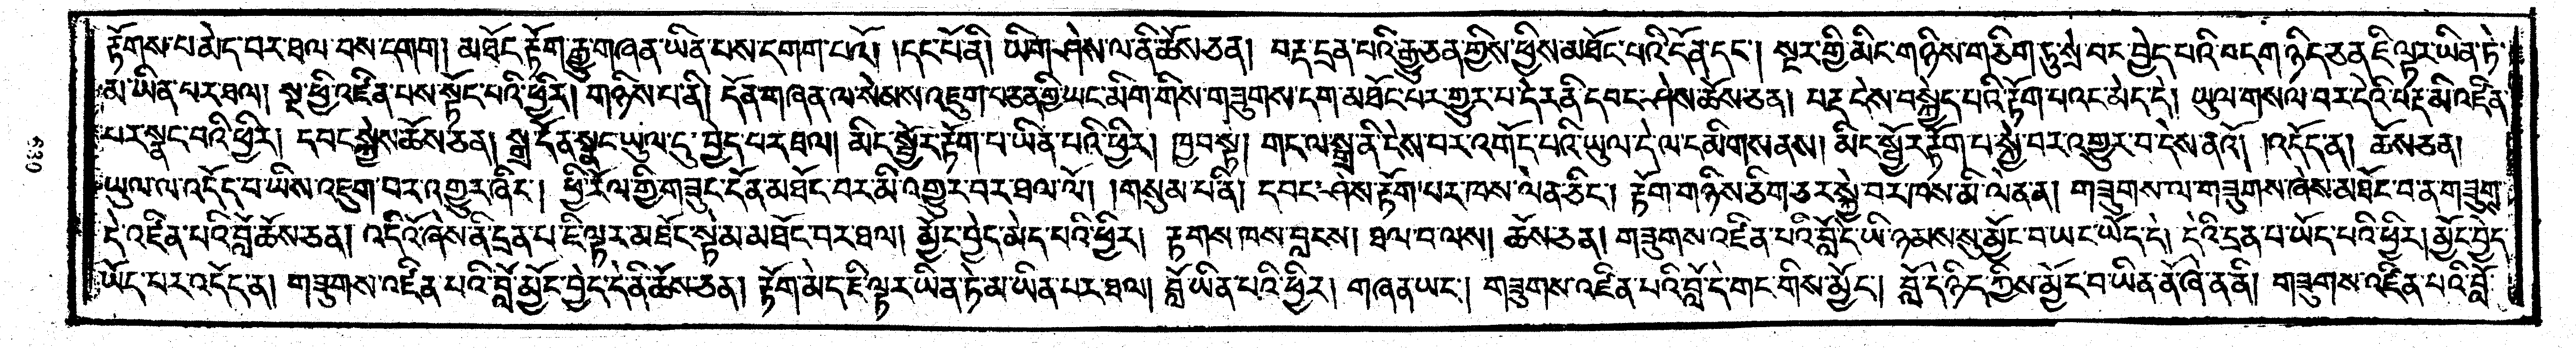རྟོགས་པ་མེད་པར་ཐལ་བས་དགག། མཐོང་རྟོག་རྒྱུ་གཞན་ཡིན་པས་དགག་པའོ། །དང་པོ་ནི། ཡིག་ཤེས་ལ་ནི་ཆོས་ཅན། བརྡ་དྲན་པའི་རྒྱུ་ཅན་གྱིས་ཕྱིས་མཐོང་པའི་དོན་དང་། སྔར་གྱི་མིང་གཉིས་གཅིག་ཏུ་སྲེ་བར་བྱེད་པའི་བདག་ཉིད་ཅན་ཇི་ལྟར་ཡིན་ཏེ་
མ་ཡིན་པར་ཐལ། སྔ་ཕྱི་འཛིན་པས་སྟོང་པའི་ཕྱིར། གཉིས་པ་ནི། དོན་གཞན་ལ་སེམས་འཇུག་པ་ཅན་གྱི་ཡང་མིག་གིས་གཟུགས་དག་མཐོང་པར་གྱུར་པ་དེར་ནི་དབང་ཤེས་ཆོས་ཅན། བརྡ་དེས་བསྐྱེད་པའི་རྟོག་པའང་མེད་དེ། ཡུལ་གསལ་བར་དེའི་བརྡ་མི་འཛིན་
པར་སྣང་བའི་ཕྱིར། དབང་སྐྱེས་ཆོས་ཅན། སྒྲ་དོན་སྣང་ཡུལ་དུ་བྱེད་པར་ཐལ། མིང་སྦྱོར་རྟོག་པ་ཡིན་པའི་ཕྱིར། ཁྱབ་སྟེ། གང་ལ་སྒྲ་ནི་ངེས་བར་འགོད་པའི་ཡུལ་དེ་ལ་དམིགས་ནས། མིང་སྦྱོར་རྟོག་པ་སྐྱེ་བར་འགྱུར་བ་དེས་ནའོ། །འདོད་ན། ཆོས་ཅན།
ཡུལ་ལ་འདོད་པ་ཡིས་འཇུག་བར་འགྱུར་ཞིང་། ཕྱི་རོལ་གྱི་གཟུང་དོན་མཐོང་བར་མི་འགྱུར་བར་ཐལ་ལོ། །གསུམ་པ་ནི། དབང་ཤེས་རྟོག་པར་ཁས་ལེན་ཅིང་། རྟོག་གཉིས་ཅིག་ཅར་སྐྱེ་བར་ཁས་མི་ལེན་ན། གཟུགས་ལ་གཟུགས་ཞེས་མཐོང་བ་ན་གཟུགས་
དེ་འཛིན་པའི་བློ་ཆོས་ཅན། འདིའོ་ཞེས་ནི་དྲན་པ་ཇི་ལྟར་མཐོང་སྟེ་མ་མཐོང་བར་ཐལ། མྱོང་བྱེད་མེད་པའི་ཕྱིར། རྟགས་ཁས་བླངས། ཐལ་བ་ལས། ཆོས་ཅན། གཟུགས་འཛིན་པའི་བློ་དེ་ཡི་ཉམས་སུ་མྱོང་བ་ཡང་ཡོད་དེ། དེའི་དྲན་པ་ཡོད་པའི་ཕྱིར། མྱོང་བྱེད་
ཡོད་པར་འདོད་ན། གཟུགས་འཛིན་པའི་བློ་མྱོང་བྱེད་དེ་ནི་ཆོས་ཅན། རྟོག་མེད་ཇི་ལྟར་ཡིན་ཏེ་མ་ཡིན་པར་ཐལ། བློ་ཡིན་པའི་ཕྱིར། གཞན་ཡང་། གཟུགས་འཛིན་པའི་བློ་དེ་གང་གིས་མྱོང་། བློ་དེ་ཉིད་ཀྱིས་མྱོང་བ་ཡིན་ནོ་ཞེ་ན་ནི། གཟུགས་འཛིན་པའི་བློ་